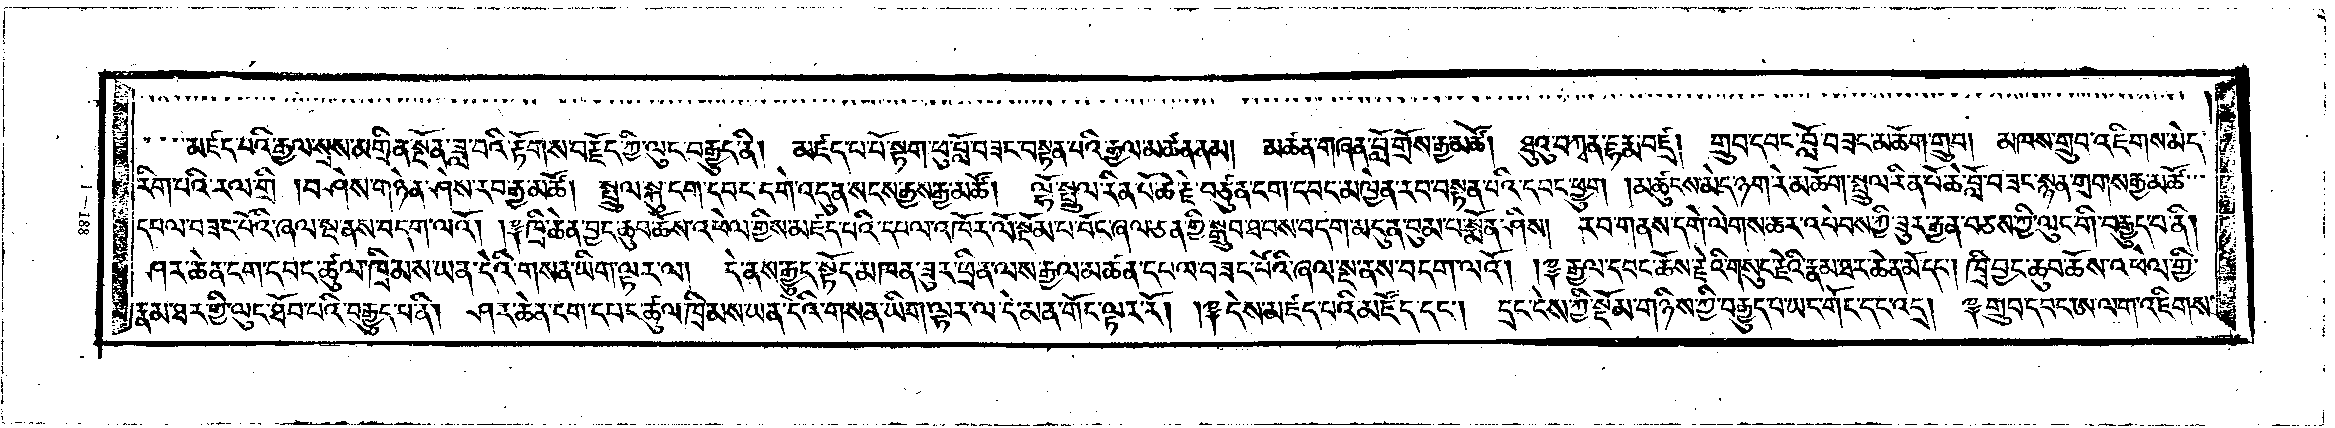མཛད་པའི་རྒྱལ་སྲས་མགྲིན་སྔོན་ཟླ་བའི་རྟོགས་བརྗོད་ཀྱི་ལུང་བརྒྱུད་ནི། མཛད་པ་པོ་སྟག་ཕུ་བློ་བཟང་བསྟན་པའི་རྒྱལ་མཚན་ནམ། མཚན་གཞན་བློ་གྲོས་རྒྱ་མཚོ། ཐུའུ་བཀྭན་དྷ་རྨ་བཛྲ། གྲུབ་དབང་བློ་བཟང་མཆོག་གྲུབ། མཁས་གྲུབ་འཇིགས་མེད་
རིག་པའི་རལ་གྲི་།བཤེས་གཉེན་ཤེས་རབ་རྒྱ་མཚོ། སྤྲུལ་སྐུ་ངག་དབང་དགེ་འདུན་སངས་རྒྱས་རྒྱ་མཚོ། ལྷོ་སྤྲུལ་རིན་པོ་ཆེ་རྗེ་བཙུན་ངག་དབང་མཁྱེན་རབ་བསྟན་པའི་དབང་ཕྱུག །མཚུངས་མེད་ཉག་རེ་མཆོག་སྤྲུལ་རིན་པོ་ཆེ་བློ་བཟང་སྙན་གྲགས་རྒྱ་མཚོ་
དཔལ་བཟང་པོའི་ཞལ་སྔ་ནས་བདག་ལའོ། །༈ ཁྲི་ཆེན་བྱང་ཆུབ་ཆོས་འཕེལ་གྱིས་མཛད་པའི་དཔལ་འཁོར་ལོ་སྡོམ་པ་བོང་ཞལ་ཅན་གྱི་སྒྲུབ་ཐབས་བདག་མདུན་བུམ་པ་སྨོན་ཤེས། །རབ་གནས་དགེ་ལེགས་ཆར་འབེབས་ཀྱི་ཟུར་རྒྱན་བཅས་ཀྱི་ལུང་གི་བརྒྱུད་པ་ནི།
ཤར་ཆེན་ངག་དབང་ཚུལ་ཁྲིམས་ཡན་དེའི་གསན་ཡིག་ལྟར་ལ། དེ་ནས་རྒྱུད་སྟོང་མཁན་ཟུར་ཕྲིན་ལས་རྒྱལ་མཚན་དཔལ་བཟང་པོའི་ཞལ་སྔ་ནས་བདག་ལའོ། ། ༈ རྒྱལ་དབང་ཆོས་རྗེའི་གསུང་རྗེའི་རྣམ་ཐར་ཆེན་མོ་དང་། ཁྲི་བྱང་ཆུབ་ཆོས་འཕེལ་གྱི་
རྣམ་ཐར་གྱི་ལུང་ཐོབ་པའི་བརྒྱུད་པ་ནི། ཤར་ཆེན་ངག་དབང་ཚུལ་ཁྲིམས་ཡན་དེའི་གསན་ཡིག་ལྟར་ལ་དེ་མན་གོང་ལྟར་རོ། ། འ་དེས་མཛད་པ་འི་མཛོད་དང་། དྲང་ངེས་ཀྱི་སྡོམ་གཉིས་ཀྱི་བརྒྱུད་པ་ཡང་གོང་དང་འདྲ། འ་གྲུབ་དབང་ཨ་ལག་འཇིགས་